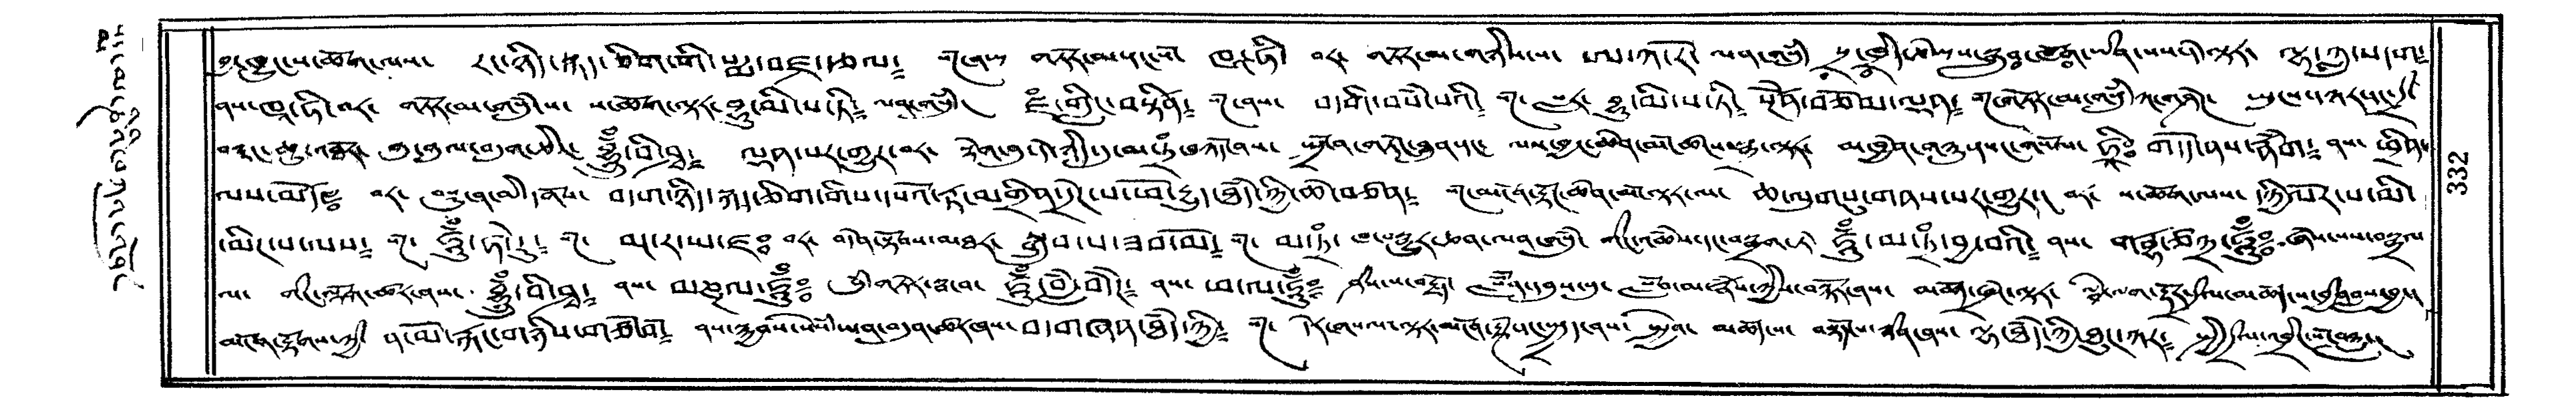བྱ་ཁྱུང་ས་ཆོག་ལས། རང་ཉིད་སྐད་ཅིག་གི་པདྨ་བཛྲ་རྩལ༴ སོགས་ནས། གཏོར་མ་དང་པོ། ཁཱ་ཧི༴ བར། གཏོར་མ་གཉིས་པ། ཨ་ཀ་རོ༴ ལན་གསུམ། པྲ་ཁྲིད་ཅེས་པ་སྒྲུབ་ཁོག་ཡིན་པས། དེ་ལྟར་ལྷ་ཀླུ་ས་དག༴ 
ནས། ཁཱ་ཧི༴ བར། གཏོར་མ་གསུམ་པ། ས ས་ཆོག་ལྟར་བྷུ་མི་པ་ཏི༴ ལན་གསུམ། འཛམ་གླིང་བསྟན་འཛིན༴ སོགས་ནས། བདག་གི་བསམ་པའི༴ སོགས། སླར། བྷུ་མི་པ་ཏི༴ སྔོན་ཚེ་བཅོམ་ལྡན༴ སོགས་གཏོར་མ་གསུམ་ཀ་གཤེགས། ཡུངས་དཀར་དང་དྲི་
བཟང་གི་ཆུ་འཐོར། གུ་གུལ་བདུག་ཅིང་། བྷྲུཾ་བི་ཤྭ༴ ལྡན་པར་གྱུར༴ བར། སྟེགས་བུ་དེ་ཉིད་དུ་མ་ཏྲཾ་བཀོད་ནས། སྤྲོ་ན་གཏོང་ཐུང་དང་། ལས་བྱང་ཆེན་མོ་ཚངས་སྒྲ་ལྟར་མཁྱེན་གཟུ་དཔང་གསོལ།ཧྲཱིཿགདོད་ནས་རྣམ་དག༴ ནས། ཕྲིན་
ལས་མཛོད༔ བར། བསྡུ་ན་མི་དགོས། བདག་ཉིད་སྐད་ཅིག་གིས་དཔའ་བོ་རྟ་མགྲིན་དྲེགས་པ་ཕོ་རྒྱུད་ཐམས་ཅད་ཀྱི་ཆེ་བཙན༴ སོགས་མངོན་རྟོགས་ཆེན་མོ་ལྟར་ལ། ཆ་ལུགས་སུ་གནས་པར་གྱུར༴ བར། ས་ཆོག་ལས། དཀྱིལ་འཁོར་པ་མི་
དམིགས་པ་ལས༴ སོགས། ཧཱུྃ་ཧེ་རུ༴ སོགས། མཱ་ར་ཡ་ཛཿ བར། བདེན་སྟོབས་མཐར། སྒྲུབ་པ་ཟབ་མོ༴ སོགས། མ་ཏྲཾ༴ ཁ་བསྒྱུར་ཅན་ལན་གསུམ། གིང་འཆམ་དང་བསྒྲགས་ཏེ ས། ཧཱུྃ༔མ་ཏྲཾ་བྱ་བའི༴ ནས། གརྦྷ་ཙཀྲ་ཧཱུྃ༔ ཞེས་པས་བསྒྲལ་
ལ། གིང་ལྡོག་ཚར་ནས། བྷྲུཾ་བི་ཤྭ༴ ནས། མཎྜལ་ཧཱུྃ༔ བུམ་གཏེར་སྦ་བ། ཧཱུྃ༔བླ་མ་བདེ་ཤེགས༴ ནས། ཕ་ལ་ཧཱུྃ༔ ཤིས་པ་བརྗོད། སློབ་དཔོན་དབུས་སུ། སློབ་མ་རྣམས་ཀྱིས་བསྐོར་ནས། མཆོད་ཕྲེང་ལྟར། ལྕེ་ལག་རྡོར་དྲིལ་མཆོད་པ་བྱིན་རླབས་བྱ། 
མངོན་རྟོགས་ཀྱི། ན་མོ༔རྐང་གཉིས་གཙོ་བོ༴ ནས།སྐྱབས་སེམས་ཡན་བདུན་ཚར་ནས། བདག་གཞན་ཐམས་ཅད་ཀྱི༴ སོགས། དེར་གསལ་ལྟར་མངོན་རྟོགས་དང་སྤྲད་ནས། སྤྱན་འདྲེན། མཆོད་པ། བསྟོད་པ་ཟིན་ནས། ལྷ་ཐམས་ཅད་ཀྱི་ཐུགས་ཀར༴ སྤྱི་དྲིལ་འབྲིང་པོ་བཟླ།